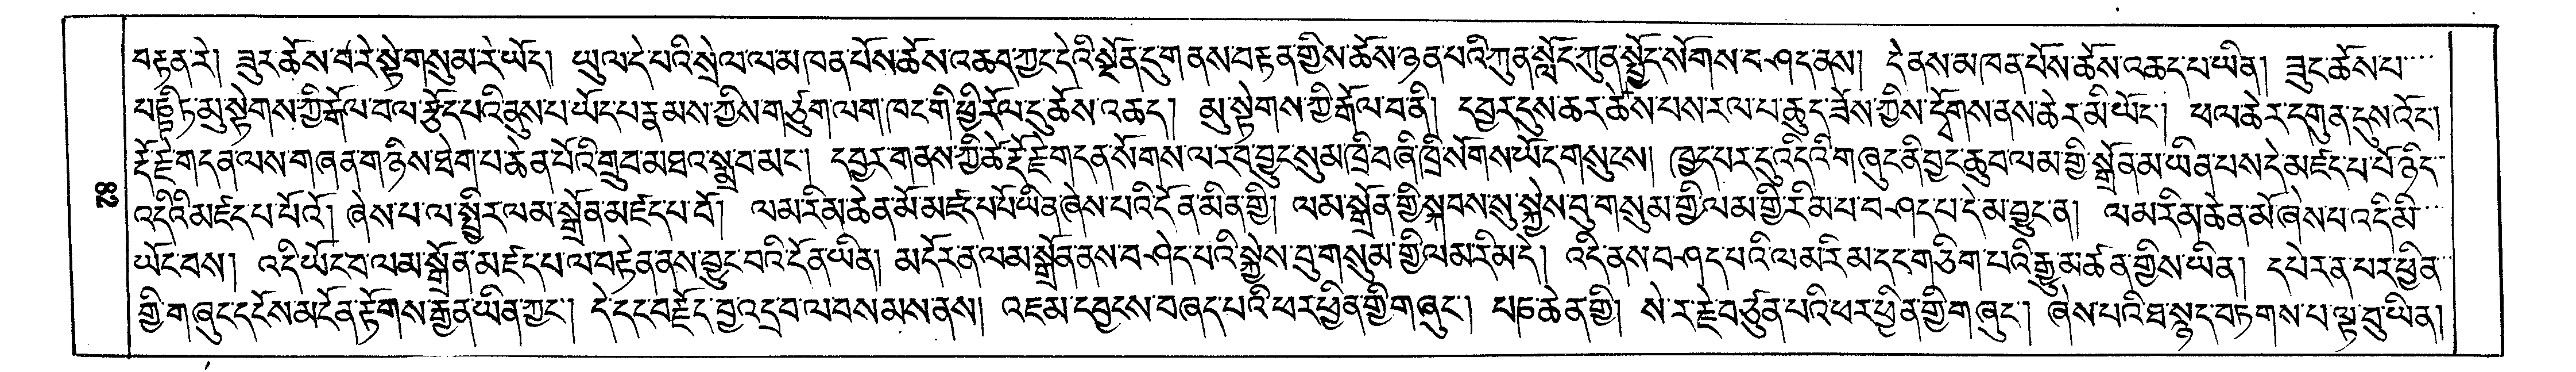བརྟན་རེ། ཟུར་ཆོས་པ་རེ་སྟེ་གསུམ་རེ་ཡོད། ཡུལ་དེ་པའི་སྲོལ་ལ་མཁན་པོས་ཆོས་འཆད་ཀྱང་དེའི་སྔོན་དུ་གནས་བརྟན་གྱིས་ཆོས་ཉན་པའི་ཀུན་སློང་ཀུན་སྤྱོད་སོགས་བཤད་ནས། དེ་ནས་མཁན་པོས་ཆེས་འཆད་པ་ཡིན། ཟུར་ཆོས་པ་
པཎྚི་ཏ་མུ་སྟེགས་ཀྱི་རྒོལ་བལ་རྩོད་པའི་ནུས་པ་ཡོད་པ་རྣམས་ཀྱིས་གཙུག་ལག་ཁང་གི་ཕྱི་རོལ་དུ་ཆོས་འཆད། མུ་སྟེགས་ཀྱི་རྒོལ་བ་ནི། དབྱར་དུས་ཆར་ཆེས་པས་རལ་པ་ཆུད་ཟོས་ཀྱིས་དྭོགས་ནས་ཆེར་མི་ཡོང་། ཕལ་ཆེར་དགུན་དུས་འོང་།
རྡོ་རྗེ་གདན་ལས་གཞན་གཉིས་ཐེག་པ་ཆེན་པོའི་གྲུབ་མཐའ་སྨྲ་བ་མང་། དབྱར་གནས་ཀྱི་ཚེ་རྡོ་རྗེ་གདན་སོགས་ལ་རབ་བྱུང་སུ་མ་ཁྲི་བཞི་ཁྲི་སོགས་ཡོད་གསུངས། ཁྱད་པར་དུ་འདིའི་གཞུང་ནི་བྱང་ཆུབ་ལམ་གྱི་སྒྲོན་མ་ཡིན་པས་དེ་མཛད་པ་པོ་ཉིད་
འདིའི་མཛད་པ་པོའོ། ཞེས་པ་ལ་སྤྱིར་ལམ་སྒྲོན་མཛད་པ་བོ། ལམ་རིམ་ཆེན་མོ་མཛད་པོ་པ་ཡིན་ཞེས་པའི་དོན་མིན་གྱི། ལམ་སྒྲོན་གྱི་སྐབས་སུ་སྐྱེས་བུ་གསུམ་གྱི་ལམ་གྱི་རིམ་པ་བཤད་པ་དེ་མ་བྱུང་ན། ལམ་རིམ་ཆེན་མོ་ཞེས་པ་འདི་མི་
ཡོང་བས། འདི་ཡོང་བ་ལམ་སྒྲོན་མཛད་པ་ལ་བརྟེན་ནས་བྱུང་བའི་དོན་ཡིན། མདོར་ན་ལམ་སྒྲོན་ནས་བཤད་པའི་སྐྱེས་བུ་གསུམ་གྱི་ལམ་རིམ་དེ། འདི་ནས་བཤད་པའི་ལམ་རིམ་དང་གཅིག་པའི་རྒྱུ་མཚན་གྱིས་ཡིན། དཔེར་ན་ཕར་ཕྱིན་
གྱི་གཞུང་དངོས་མངོན་རྟོགས་རྒྱན་ཡིན་ཀྱང་། དེ་དང་བརྗོད་བྱ་འདྲ་བ་ལ་བསམས་ནས། འཇམ་དབྱངས་བཤད་པའི་ཕར་ཕྱིན་གྱི་གཞུང་། པཎ་ཆེན་གྱི། སེར་རྗེ་བཙུན་པའི་ཕར་ཕྱིན་གྱི་གཞུང་། ཞེས་པའི་ཐ་སྙད་བཏགས་པ་ལྟ་བུ་ཡིན།།